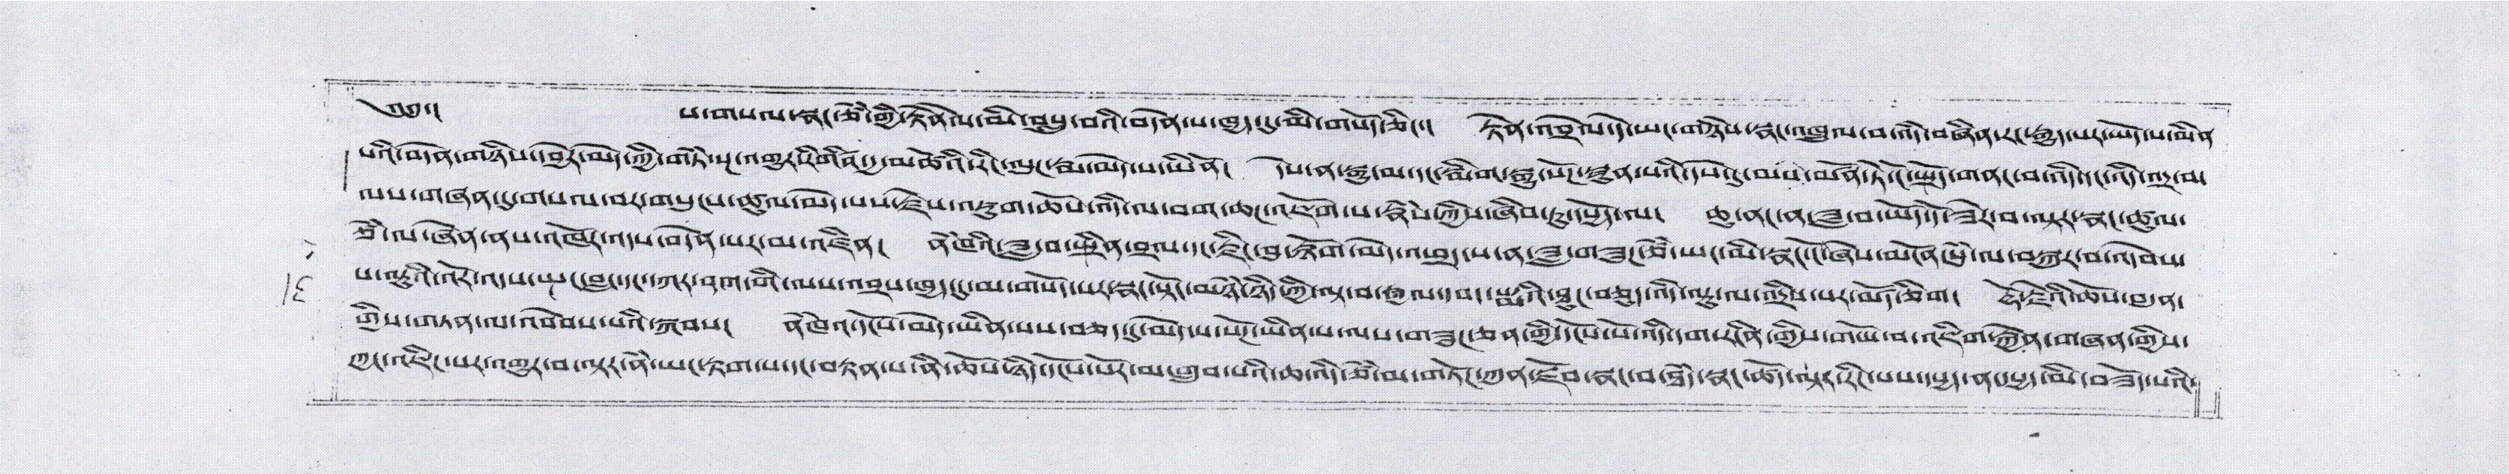པ་གསལ་སྣང་ཙམ་གྱི་རྟེན་འབྲེལ་མི་བསླུ་བའི་བདེན་པ་ཁྱད་དུ་མི་གསོད་ཅིང། རྟེན་འབྲེལ་དེ་ཡང་གཉིས་སྣང་འཁྲུལ་བ་འདི་བཞིན་རང་རྒྱུད་པར་ཡོད་པ་མིན་
པའི་བདེན་གཉིས་དབྱེར་མེད་ཀྱི་གཏམ་སྔ་འགྱུར་རིག་འཛིན་རྒྱ་མཚོའི་རིང་ལུགས་རྨ་མེད་པ་ཡིན་ནོ། དེས་ན་སྒྱུ་མ་དང་སྨིག་སྒྱུ་སོགས་རྫུན་པའི་དཔེ་དུ་མས་མཚོན་ཏེ་ངོ་སྤྲོད་གནང་བ་འདི་དང་འདི་འདྲ་བ་
ལས་གཞན་དུ་གསལ་བར་གསུངས་ཚུལ་མེད་པས་རྗེས་འཇུག་ཆོས་འདི་ལ་བག་ཆགས་འཇོག་པ་རྣམས་ཀྱིས་ཞིབ་ཏུ་དཔྱོད་ལ། ཆུ་ནང་ན་ཟླ་བ་ཡོད་དོ་ཟེར་བ་ལྟར་སྣང་ཚུལ་
ཙམ་ལ་ཞེན་ནས་འཁོར་འདས་བདེན་པར་མ་འཛིན། ནམ་མཁའི་ཟླ་བ་སྤྲིན་བྲལ་དང་རྫིང་བུ་རྙོག་མེད་འཕྲད་ས་ན་ཟླ་གཟུགས་ཙམ་ཡང་མི་སྣང་ངོ་ཞེས་མངོན་སུམ་ལ་བསྐུར་བ་འདེབས་
པ་ལྟ་བུའི་འཁོར་འདས་སྤང་བླང་དང་དཀར་ནག་གི་ལས་འབྲས་ཁྱད་དུ་མ་གསོད་པར་སྣང་སྟོང་མཉམ་ཉིད་ཀྱི་ལྟ་བ་རྒྱལ་དབང་པདྨའི་ཐུགས་བཅུད་འདི་ལྟ་བུ་ལ་འདྲིས་པར་མཛོད་ཅིག རྡོ་རྗེའི་ཆོས་བདུན་
གྱིས་གཏནལ་འབེབས་པའི་སྐབས། ནམ་མཁའ་དངོས་མེད་ཡིན་པས་བཅད་དུ་མེད་པ་སོགས་ཡིན་པ་ལས་གཟུགས་ཅན་གྱི་དངོས་པོ་འདི་དག་རང་བཞིན་གྱིས་གཡོ་བ་འཇིག་རྐྱེན་གཞན་གྱིས་
ཀྱང་འཇིགས་པར་འགྱུར་བ་ལྟར་ནམ་ཡང་རྟག་པ་དང་བརྟན་པ་ནི་ཆོས་ཉིད་དངོས་པོར་མ་གྲུབ་པའི་ཆ་འདི་ཙམ་མ་གཏོགས་ཀུན་རྫོབ་སྣང་བ་ཐམས་ཅད་སྣང་ཚོད་ལྟར་རིགས་པས་དཔྱད་ན་དཔྱད་མི་བཟོད་པའི་